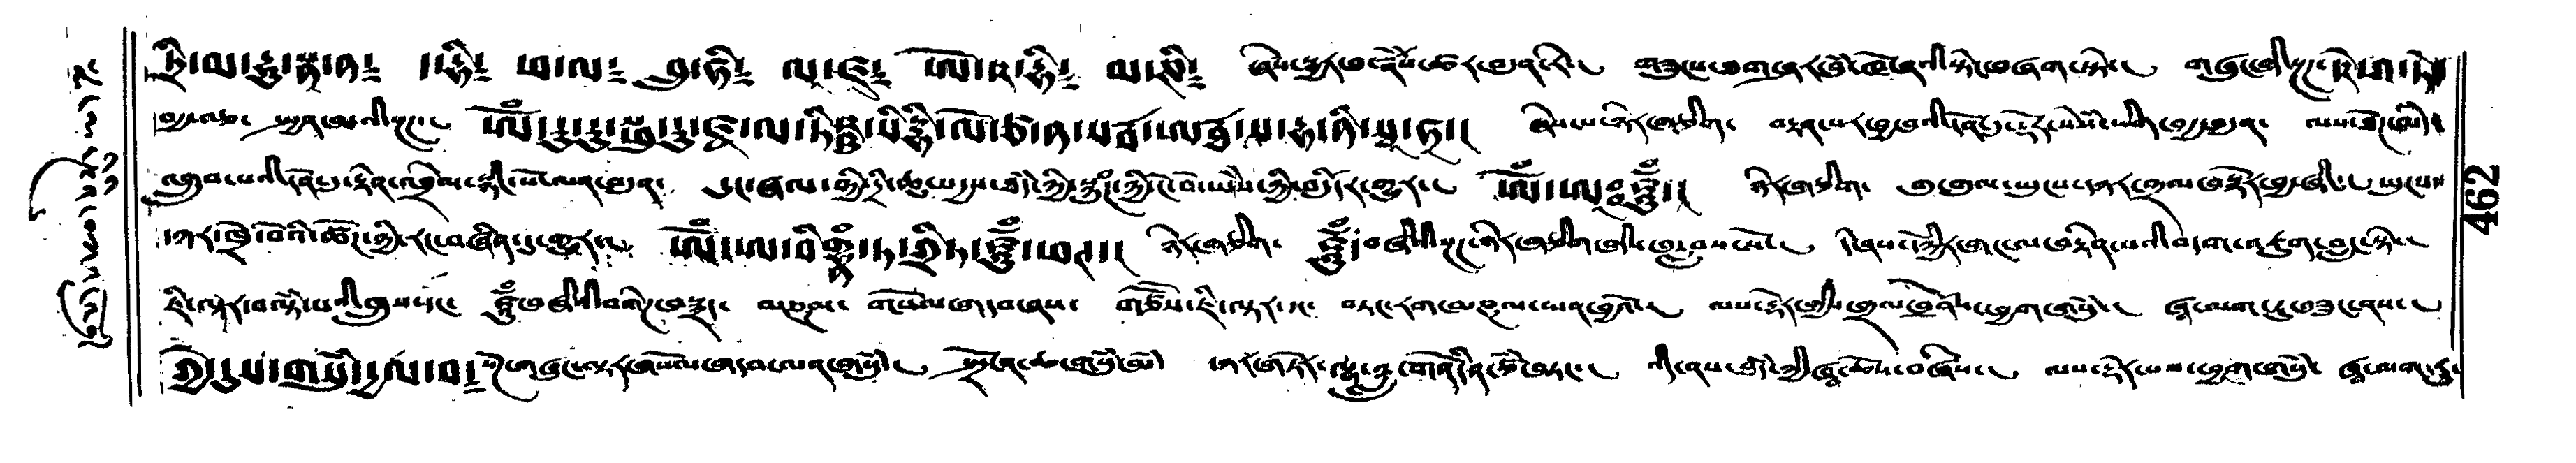ཏྲི་མ་དྷུ་སྣཱ་ན༴ ད་དྷི༴ ཕ་ལ༴ བྲུ་ཧི༴ ལ་ཛཱ༴ ཨོ་ར་དྷི༴ མ་ཎི༴ ཞེས་སྦྱར་བ་རྣམས་ཚར་བདུན་རེ། གཟུངས་ཐག་ཤར་བུམ་ཁོ་ནའི་སྟེང་བཞག་སྟེ། གཞུང་གི་སྔགས་རེ་ཀ་ཏེ་
བརྒྱ་རྩ། སྤྱན་མའི་སྔགས། ཨོཾ་རུ་རུ་སྥུ་རུ་ཛྭ་ལ་ཏིཥྛ་སིདྡྷི་ལོ་ཙ་ན་སརྦ་ཨརྠ་ས་དྷ་ནི་སྭ་ཧཱ། ཞེས་པ་ཉེར་གཅིག བརྟན་པར་བྱ་བའི་དོན་དུ་རྡོར་སེམས་ཡིག་བརྒྱ་བདུན། ལས་ཐོགས་མེད་
འགྲུབ་པའི་དོན་དུ་རྟེན་འབྲེལ་སྙིང་པོ་ལན་བདུན། དུང་ཞལ་གྱི་དྲི་ཆུ་སངས་རྒྱས་ཐམས་ཅད་ཀྱི་སྐུ་གསུང་ཐུགས་ཀྱི་ངོ་བོ་ཡེ་ཤེས་ཀྱི་བདུད་རྩིར་གྱུར། ཨོཾ་ཨཱཿཧཱུྃ། ཉེར་གཅིག གུ་གུལ་ཡུངས་དཀར་གྲལ་བསྐོར་བྱ་ཞིང་། ཡུངས་
དཀར་ཁྲོ་བོའི་ཚོགས་ཀྱི་རང་བཞིན་དུ་གྱུར། ཨོཾ་ཨ་བིགྷྣཾ་ཏ་ཀྲི་ཏ་ཧཱུྃ་ཕཊཿཉེར་གཅིག ཧཱུྃ་བཞིའི་སྔགས་ཉེར་གཅིག་གིས་བརླབས་སོ། དེ་ནས་དཀྱིལ་འཁོར་གང་ལ་བརྟེན་པའི་བདག་འཇུག་བླང་སྟ ེ། 
ཇི་ལྟར་བལྟམ་པའི་སོགས་ཁྲུས་དང་། ཧཱུྃ་བཞིའི་བགེགས་བསྐྲད། མཎྜལ། གསོལ་གདབ་ནས། གཙོ་བོས་ཇི་ལྟར་དང་། བཏང་རག་མཎྜལ་ཡན་བྱའོ། ལས་རྡོར་གྱིས་གྲལ་གཤམས་ནས་ཕྱག་གསུམ། ཞྭ་ལག་ཏུ་བཟུང་ནས། 
ཀྱེ་དུས་གསུམ་རྒྱལ་བ༴ སོགས་གཞུང་ལྟར་གསོལ་གདབ་ལན་གསུམ། སྤྲོ་ན་ཆ་གསུམ་མམ། དཀར་གཏོར་ལྷ་ཀླུ་གནོད་སྦྱིན་ཙམ་བཏང་། འདི་ནས་ཐམས་ཅད་ཀྱི་ཞྭ་ཆོས་བཞེས། ལས་རྡོར་པས་ཕྱག་གསུམ། ཞྭ་ལག་ཏུ་